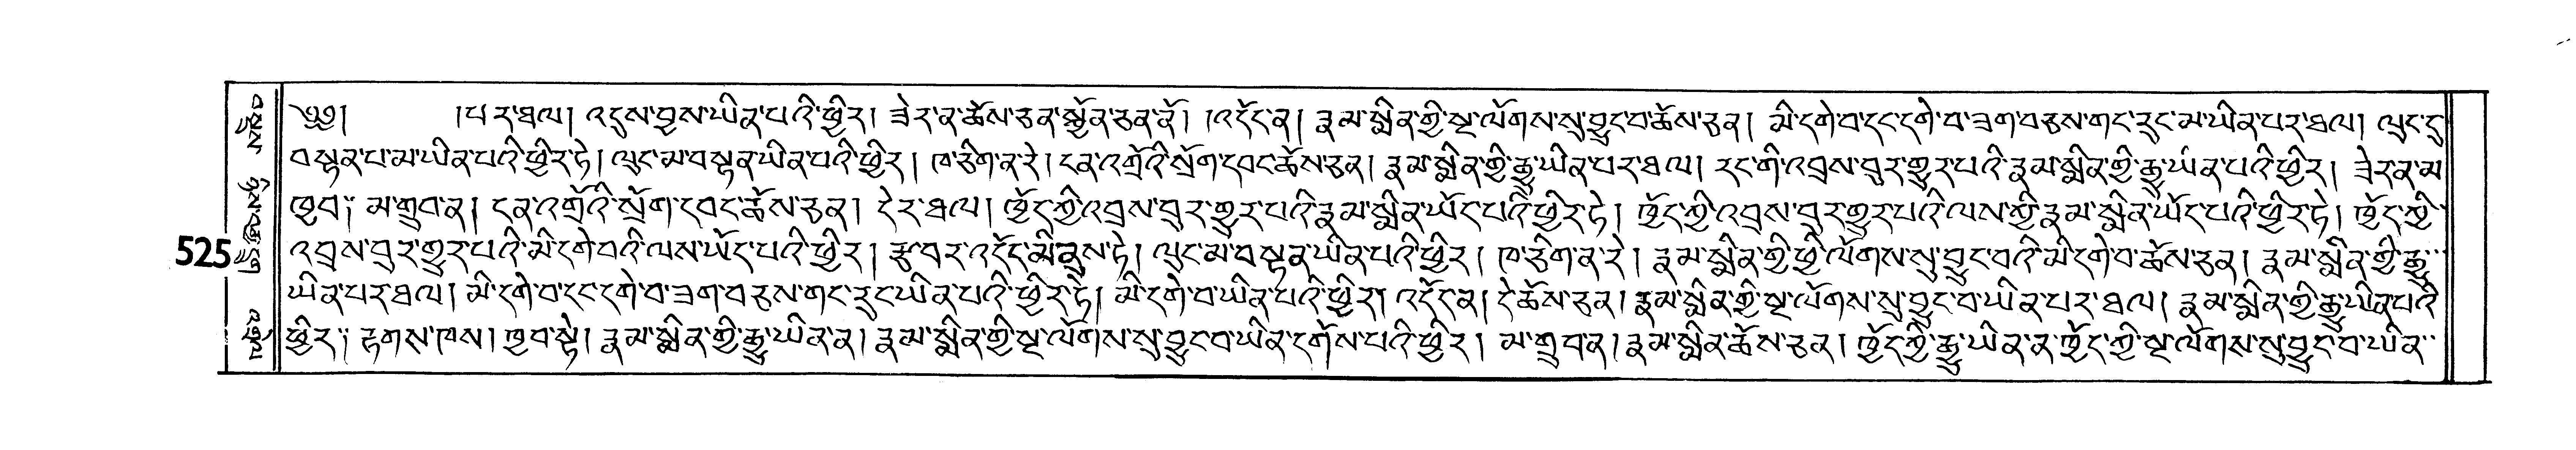༄༅། །པར་ཐལ། འདུས་བྱས་ཡིན་པའི་ཕྱིར། ཟེར་ན་ཆོས་ཅན་སྐྱོན་ཅན་ནོ། །འདོད་ན། རྣམ་སྨིན་གྱི་སྔ་ལོགས་སུ་བྱུང་བ་ཆོས་ཅན། མི་དགེ་བ་དང་དགེ་བ་ཟག་བཅས་གང་རུང་མ་ཡིན་པར་ཐལ། ལུང་དུ་
བསྟན་པ་མ་ཡིན་པའི་ཕྱིར་ཏེ། ལུང་མ་བསྟན་ཡིན་པའི་ཕྱིར། ཁ་ཅིག་ན་རེ། ངན་འགྲོའི་སྲོག་དབང་ཆོས་ཅན། རྣམ་སྨིན་གྱི་རྒྱུ་ཡིན་པར་ཐལ། རང་གི་འབྲས་བུར་གྱུར་པའི་རྣམ་སྨིན་གྱི་རྒྱུ་ཡིན་པའི་ཕྱིར། ཟེར་ན་མ་
ཁྱབ༑ མ་གྲུབ་ན། ངན་འགྲོའི་སྲོག་དབང་ཆོས་ཅན། དེར་ཐལ། ཁྱོད་ཀྱི་འབྲས་བུར་གྱུར་བའི་རྣམ་སྨིན་ཡོད་པའི་ཕྱིར་ཏེ། ཁྱོད་ཀྱི་འབྲས་བུར་གྱུར་པའི་ལས་ཀྱི་རྣམ་སྨིན་ཡོད་པའི་ཕྱིར་ཏེ། ཁྱོད་ཀྱི་
འབྲས་བུར་གྱུར་པའི་མི་དགེ་བའི་ལས་ཡོད་པའི་ཕྱིར། རྩ་བར་འདོད་མི་ནུས་ཏེ། ལུང་མ་བསྟན་ཡིན་པའི་ཕྱིར། ཁ་ཅིག་ན་རེ། རྣམ་སྨིན་གྱི་ཕྱི་ལོགས་སུ་བྱུང་བའི་མི་དགེ་བ་ཆོས་ཅན། རྣམ་སྨིན་གྱི་རྒྱུ་
ཡིན་པར་ཐལ། མི་དགེ་བ་དང་དགེ་བ་ཟག་བཅས་གང་རུང་ཡིན་པའི་ཕྱིར་ཏེ། མི་དགེ་བ་ཡིན་པའི་ཕྱིར། འདོད་ན། དེ་ཆོས་ཅན། རྣམ་སྨིན་གྱི་སྔ་ལོགས་སུ་བྱུང་བ་ཡིན་པར་ཐལ། རྣམ་སྨིན་གྱི་རྒྱུ་ཡིན་པའི་
ཕྱིར༑ རྟགས་ཁས། ཁྱབ་སྟེ། རྣམ་སྨིན་གྱི་རྒྱུ་ཡིན་ན། རྣམ་སྨིན་གྱི་སྔ་ལོགས་སུ་བྱུང་བ་ཡིན་དགོས་པའི་ཕྱིར། མ་གྲུབ་ན། རྣམ་སྨིན་ཆོས་ཅན། ཁྱོད་ཀྱི་རྒྱུ་ཡིན་ན་ཁྱོད་ཀྱི་སྔ་ལོགས་སུ་བྱུང་བ་ཡིན་